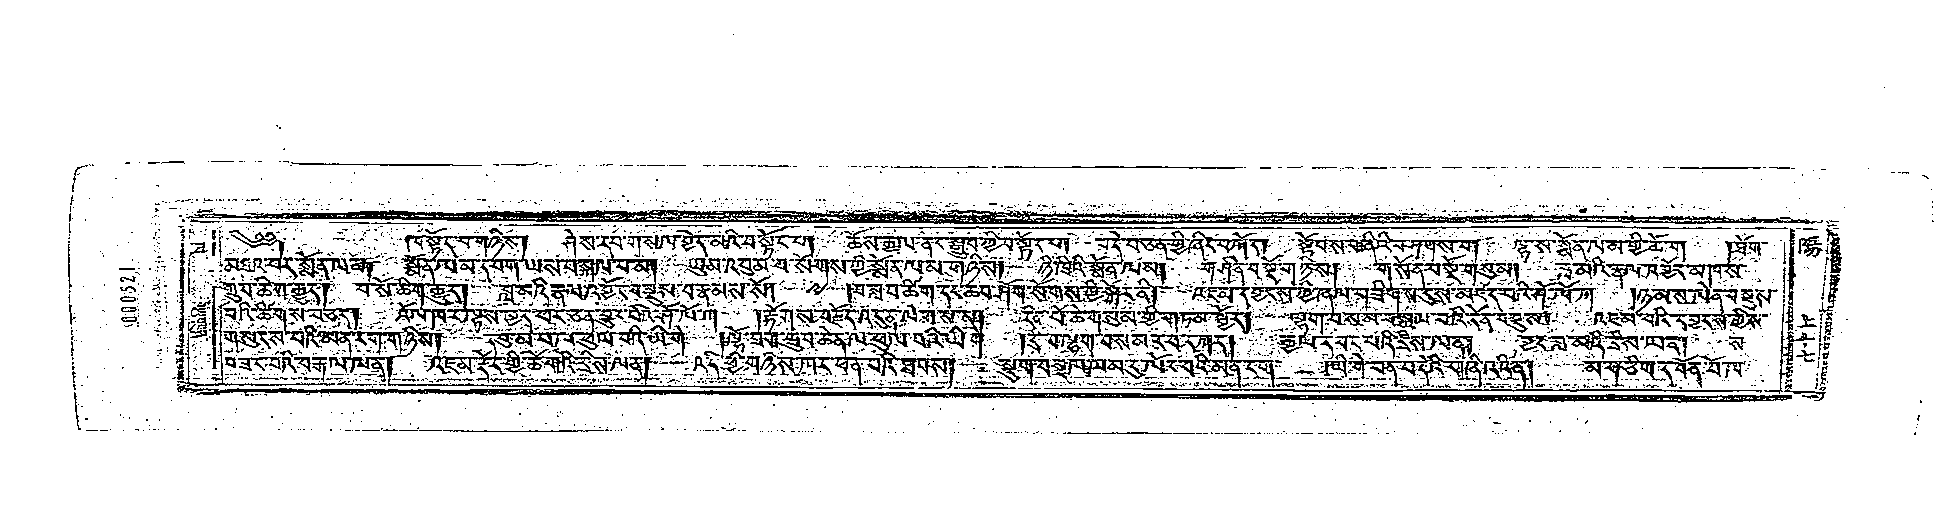༄༅། །ཁ་སྟོད་པ་གཉིས། ཤེས་རབ་གསལ་བྱེད་མའི་བསྟོང་པ། ཆོས་རྒྱལ་ནང་སྒྲུབ་ཀྱི་བསྟོད་པ། བདེ་བ་ཅན་གྱི་ཞིང་བཀོད། སྟོབས་བཞིའི་བཤགས་པ། ལྷ་ས་སྨོན་ལམ་གྱི་ཆོག །ཐོག་
མཐའ་བར་སྨོན་ལམ། སྨོན་ལམ་དཔག་ཡས་བསྐལ་པ་མ། ཡུམ་འབུམ་བ་སོགས་ཀྱི་སྨོན་ལམ་གཉིས། ཉི་ཁྲིའི་སྨོན་ལམ། གཤིན་བསྔོ་གཉིས། གསོན་བསྔོ་གསུམ། བླ་མའི་རྣལ་འབྱོར་མཁས་
གྲུབ་ཆིག་རྒྱུད། བ་སོ་ཆིག་རྒྱུད། བླ་མའི་རྣལ་འབྱོར་བསྡུས་བརྣམས་སོ། ༧་།བ་སླབ་ཚིག་དང་ཆབ་ཤོག་སོགས་ཀྱི་སྐོར་ནི། འཇམ་དབྱངས་ཀྱི་ཞལ་གཟིགས་དུས་མཛད་པའི་ཤོ་ལོ་ཀ །ཉམས་ལེན་བསྡུས་
བའི་ཚིགས་བཅད། འོལ་ཁར་ལྟས་ཁྱད་པར་ཅན་བྱུང་བའི་ཤོ་ལོ་ཀ །རྟོགས་བརྗོད་འདུན་ལེགས་མ། རིན་པོ་ཆེ་གསུམ་གྱི་གཏམ་སྦྱོར། ལྷག་བསམ་བསྒུལ་བའི་དོན་བསྡུས། འཇམ་བའི་དབྱངས་ཀྱིས་
གསུངས་པའི་མན་ངག་གཉིས། དབུ་མ་བ་ལ་ཕུལ་བའི་ཡི་གེ །ལྷོ་བྲག་གྲུབ་ཆེན་ལ་ཕུལ་བའི་ཡི་གེ །དྲི་བ་ལྷག་བསམ་རབ་དཀར། རྒྱལ་དབང་པའི་དྲིས་ལན། བྱང་བླ་མའི་དྲིས་ལན། ས་
བཟང་བའི་བརྒལ་ལན། འཇམ་རྡོར་གྱི་ཆོ་གའི་དྲིས་ལན། འདི་ཕྱི་གཉིས་ཀར་ཕན་པའི་ཐབས། སྡུག་བསྔལ་ལམ་དུ་ལོང་བའི་མན་ངག །ཡི་གེ་ཕན་བདེའི་གཞི་འཛིན། མ་གཅིག་དབོན་པོ་ལ་